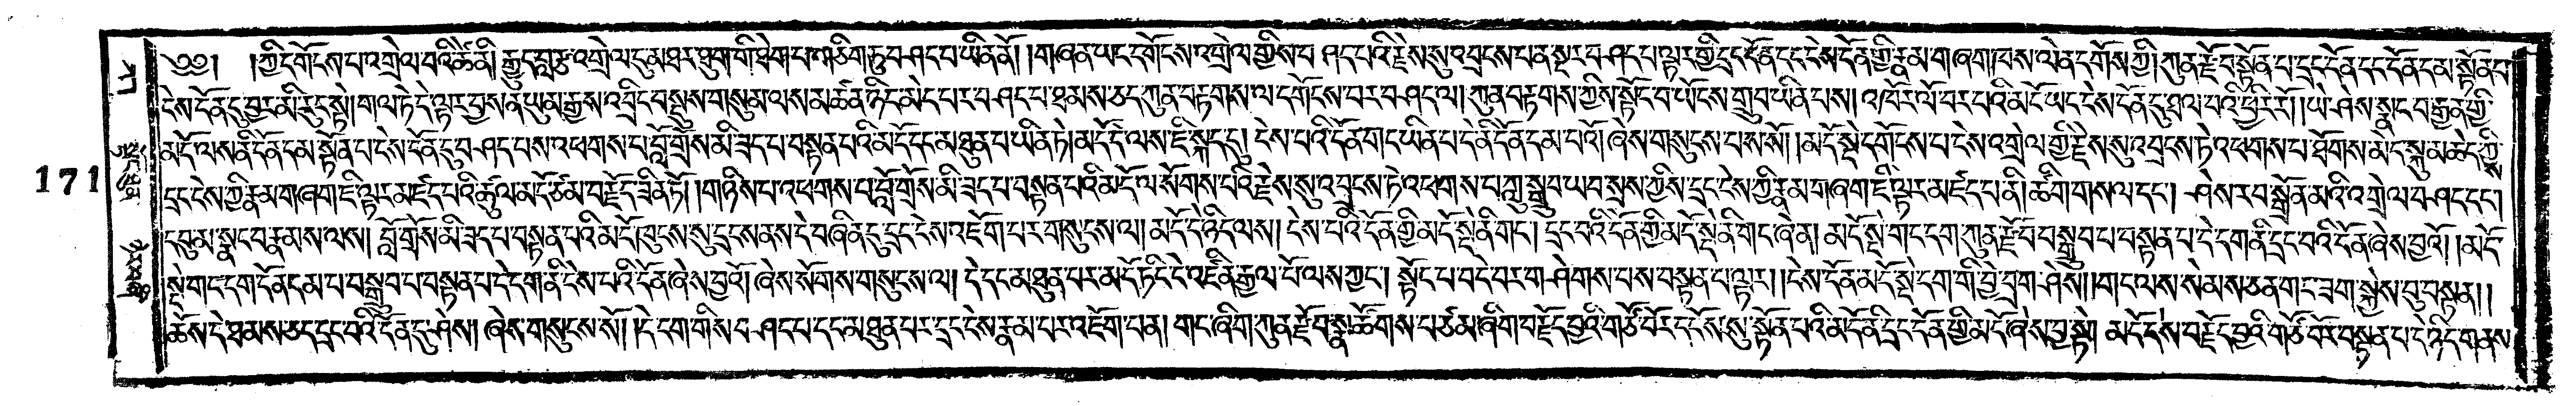༄༅། །ཀྱི་དགོངས་པ་འགྲེལ་བའི་ཚེ་ནི། རྒྱུད་བླ་རྩ་འགྲེལ་དུ་མཐར་ཐུག་གི་ཐེག་པ་གཅིག་ཏུ་བཤད་པ་ཡིན་ནོ། །གཞན་ཡང་དགོངས་འགྲེལ་གྱིས་བཤད་པའི་རྗེས་སུ་འབྲངས་པ་ན་སྔར་བཤད་པ་ལྟར་གྱི་དྲང་དོན་དང་ངེས་དོན་གྱི་རྣམ་གཞག་ཁས་ལེན་དགོས་ཀྱི། ཀུན་རྫོབ་སྟོན་པ་དྲང་དོན་དང་དོན་དམ་སྟོན་པ་
ངེས་དོན་དུ་བྱར་མི་རུང་སྟེ། གལ་ཏེ་དེ་ལྟར་བྱས་ན་ཡུམ་རྒྱས་འབྲིང་བསྡུས་གསུམ་ལས་མཚན་ཉིད་མེད་པར་བཤད་པ་ཐམས་ཅད་ཀུན་བརྟགས་ལ་དགོངས་བར་བཤད་ལ། ཀུན་བརྟགས་ཀྱིས་སྟོང་བ་ཡོངས་གྲུབ་ཡིན་པས། འཁོར་ལོ་བར་པའི་མདོ་ཡང་ངེས་དོན་དུ་ཐལ་བའི་ཕྱིར་རོ། །ཡེ་ཤེས་སྣང་བ་རྒྱན་གྱི་
མདོ་ལས་ནི་དོན་དམ་སྟོན་པ་ངེས་དོན་དུ་བཤད་པས་འཕགས་པ་བློ་གྲོས་མི་ཟད་པ་བསྟན་པའི་མདོ་དང་མཐུན་པ་ཡིན་ཏེ། མདོ་དེ་ལས་ཇི་སྐད་དུ། ངེས་པའི་དོན་གང་ཡིན་པ་དེ་ནི་དོན་དམ་པའོ། ཞེས་གསུངས་པས་སོ། །མདོ་སྡེ་དགོངས་པ་ངེས་འགྲེལ་གྱི་རྗེས་སུ་འབྲངས་ཏེ་འཕགས་པ་ཐོགས་མེད་སྐུ་མཆེད་ཀྱིས་
དྲང་ངེས་ཀྱི་རྣམ་གཞག་ཇི་ལྟར་མཛད་པའི་ཚུལ་མདོ་ཙམ་བརྗོད་ཟིན་ཏོ། །གཉིས་པ་འཕགས་པ་བློ་གྲོས་མི་ཟད་པ་བསྟན་པའི་མདོ་ལ་སོགས་པའི་རྗེས་སུ་འབྲངས་ཏེ་འཕགས་པ་ཀླུ་སྒྲུབ་ཡབ་སྲས་ཀྱིས་དྲང་ངེས་ཀྱི་རྣམ་གཞག་ཇི་ལྟར་མཛད་པ་ནི། ཚིག་གསལ་དང་། ཤེས་རབ་སྒྲོན་མའི་འགྲེལ་བཤད་དང་།
དབུ་མ་སྣང་བ་རྣམས་ལས། བློ་གྲོས་མི་ཟད་པ་བསྟན་པའི་མདོ་ཁུངས་སུ་དྲངས་ནས་དེ་བཞིན་དུ་དྲང་ངེས་འཇོག་པར་གསུངས་ལ། མདོ་དེ་ཉིད་ལས། ངེས་པའི་དོན་གྱི་མདོ་སྡེ་ནི་གང་། དྲང་བའི་དོན་གྱི་མདོ་སྡེ་ནི་གང་ཞེ་ན། མདོ་སྡེ་གང་དག་ཀུན་རྫོབ་བསྒྲུབ་པ་བསྟན་པ་དེ་དག་ནི་དྲང་བའི་དོན་ཞེས་བྱའོ། །མདོ་
སྡེ་གང་དག་དོན་དམ་པ་བསྒྲུབ་པ་བསྟན་པ་དེ་དག་ནི་ངེས་པའི་དོན་ཞེས་བྱའོ། ཞེས་སོགས་གསུངས་ལ། དེ་དང་མཐུན་པར་མདོ་ཏིང་ངེ་འཛིན་རྒྱལ་པོ་ལས་ཀྱང་། སྟོང་པ་བདེ་བར་གཤེགས་པས་བསྟན་པ་ལྟར། །ངེས་དོན་མདོ་སྡེ་དག་གི་བྱེ་བྲག་ཤེས། །གང་ལས་སེམས་ཅན་གང་ཟག་སྐྱེས་བུ་བསྟན།།
ཆོས་དེ་ཐམས་ཅད་དྲང་བའི་དོན་དུ་ཤེས། ཞེས་གསུངས་སོ། །དེ་དག་གིས་བཤད་པ་དང་མཐུན་པར་དྲང་ངེས་རྣམ་པར་འཇོག་པ་ན། གང་ཞིག་ཀུན་རྫོབ་སྣ་ཚོགས་པ་ཙམ་ཞིག་བརྗོད་བྱའི་གཙོ་བོར་དངོས་སུ་སྟོན་པའི་མདོ་ནི་དྲང་དོན་གྱི་མདོ་ཞེས་བྱ་སྟེ། མདོ་དེས་བརྗོད་བྱའི་གཙོ་བོར་བསྟན་པ་དེ་ཉིད་གནས་